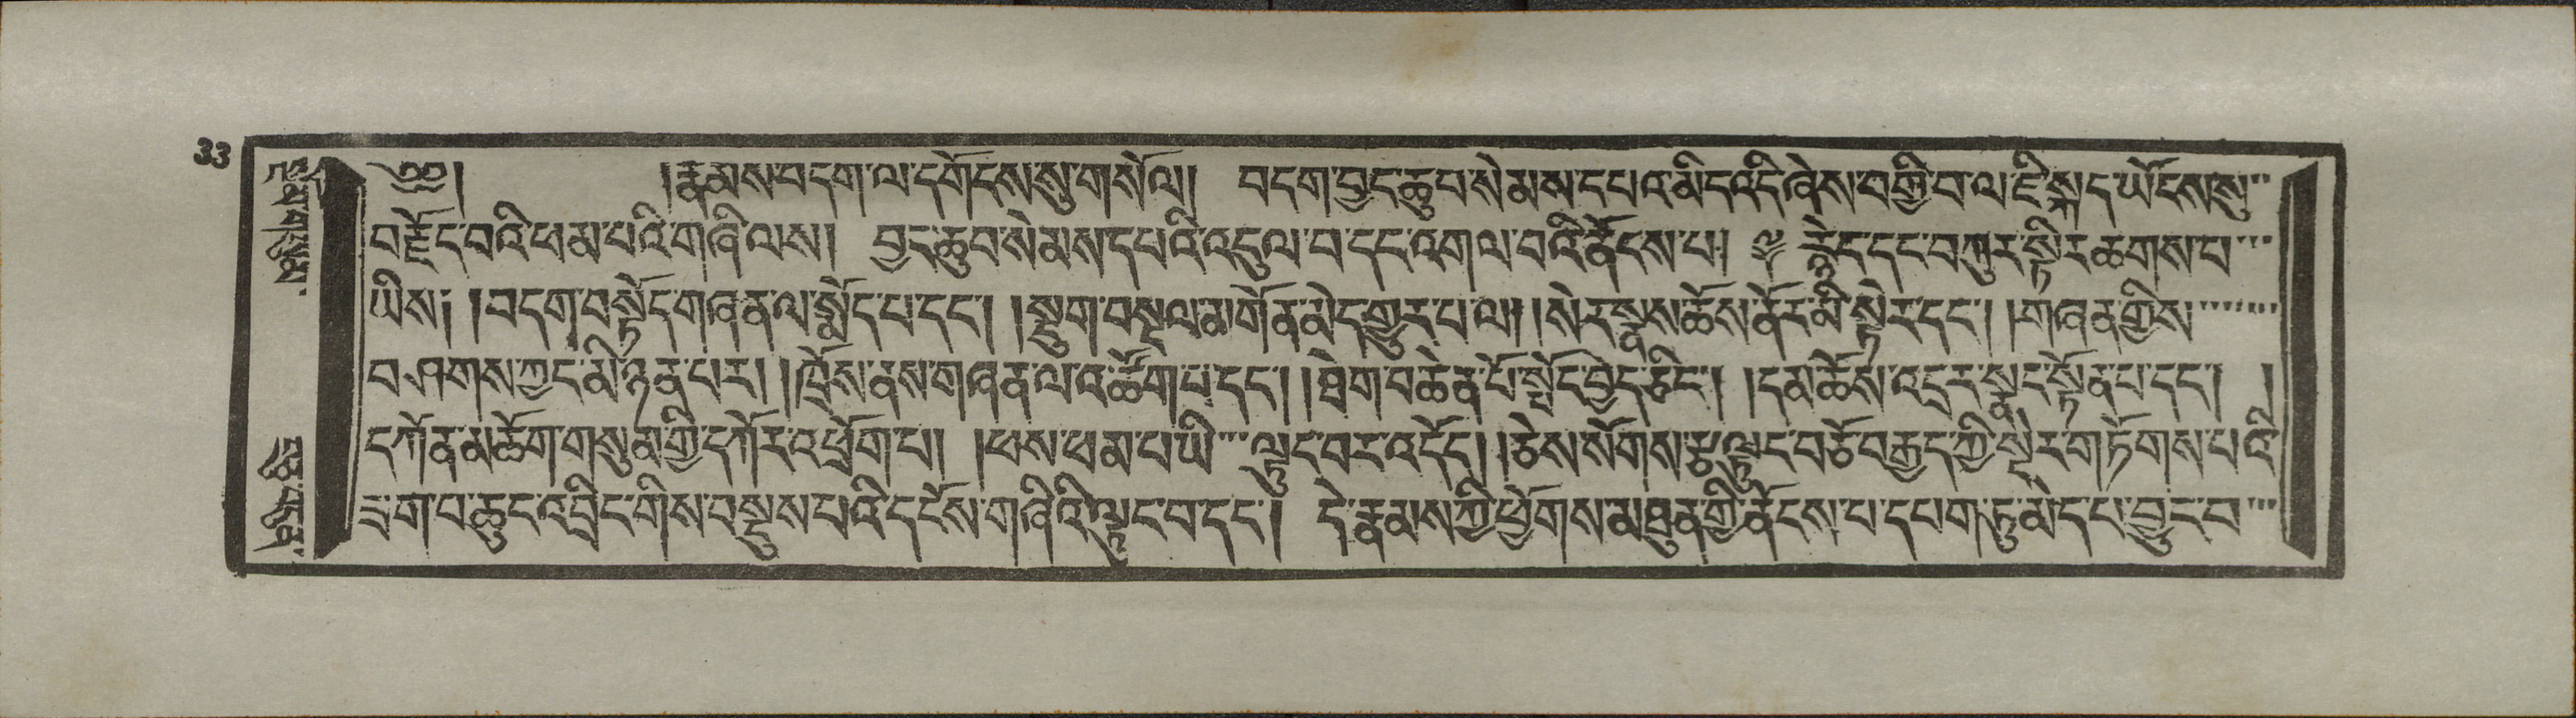༄༅། །རྣམས་བདག་ལ་དགོངས་སུ་གསོལ། བདག་བྱང་ཆུབ་སེམས་དཔའ་མིང་འདི་ཞེས་བགྱི་བ་ལ་ཇི་སྐད་ཡོངས་སུ་
བརྗོད་པའི་ཕམ་པའི་གཞི་ལས། བྱང་ཆུབ་སེམས་དཔའི་འདུལ་བ་དང་འགལ་བའི་ནོངས་པ། ༈ རྙེད་དང་བཀུར་སྟིར་ཆགས་པ་
ཡིས། །བདག་བསྟོད་གཞན་ལ་སྨོད་པ་དང་། །སྡུག་བསྔལ་མགོན་མེད་གྱུར་པ་ལ། །སེར་སྣས་ཆོས་ནོར་མི་སྟེར་དང་། །གཞན་གྱིས་
བཤགས་ཀྱང་མི་ཉན་པར། །ཁྲོས་ནས་གཞན་ལ་འཚོག་པ་དང།།ཐེག་པ་ཆེན་པོ་སྤོང་བྱེད་ཅིང་། །དམ་ཆོས་འདྲར་སྣང་སྟོན་པ་དང་། །
དཀོན་མཆོག་གསུམ་གྱི་དཀོར་འཕྲོག་པ། །ཕས་ཕམ་པ་ཡི་ལྟུང་བར་འདོད། །ཅེས་སོགས་རྩ་ལྟུང་བཅོ་བརྒྱད་ཀྱི་སྡེར་གཏོགས་པའི་
ཟག་པ་ཆུང་འབྲིང་གིས་བསྡུས་པའི་དངོས་གཞིའི་ལྟུང་བ་དང་། དེ་རྣམས་ཀྱི་ཕྱོགས་མཐུན་གྱི་ནོངས་པ་དཔག་ཏུ་མེད་པ་བྱུང་བ་